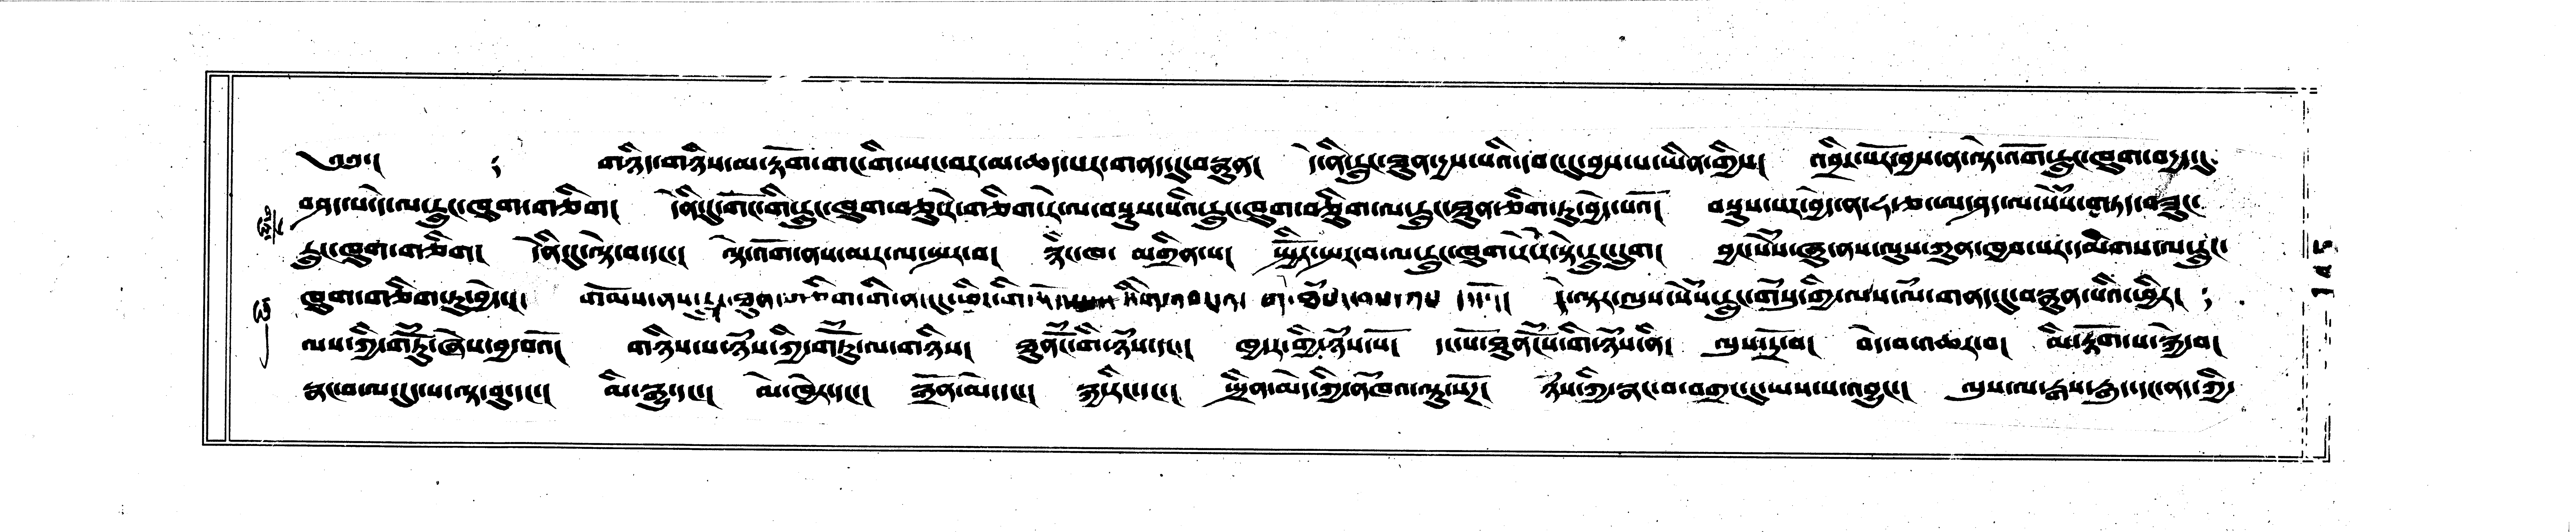གཉིད་གཉིས་མ་གཏོགས་གང་གི་ཡང་བར་མ་ཆད་པར་གནད་དུ་བསྣུན། དེ་ནི་རླུང་ཐུན་རྒྱས་པའི་དབང་དུ་བྱས་པ་ཡིན་གྱིས། འབྲིང་པོར་བྱས་ན་ལྟེ་འོག་རླུང་ཁུག་བརྒྱད་དུ་
བཤད་པ་དེ་ལ་རླུང་ཁུག་གཅིག དེ་བཞིན་དུ་གོང་གི་རླུང་ཁུག་བཅུ་རེ་གཅིག་རེ་ལ་བསྡུས་པའི་རླུང་ཁུག་བཅུ་གཅིག་ལ་རླུང་ཐུན་གཅིག་ཏུ་བྱེད་པའོ། །བསྡུས་པར་བྱེད་ན་ཧ་ཅ་ཨ་ཤད་ལ་སེམས་གཏད་བཟུང་
རླུང་ཁུག་གཅིག དེ་བཞིན་དུ་ལྟེ་བ་དང་། ལྟེ་འོག་ནས་མར་ལ་སྤར་བ། སྙིོང་ཁ། མགྲིན་པ། སྤྱི་བོར་སྤར་བ་ལ་རླུང་ཁུག་རེ་རེ་སྟེ་རླུང་དྲུག བྱང་སེམས་ཞུ་ནས་ལུས་ཀུན་ཁྱབ་པར་དམིགས་ལ་རླུང་
ཁུག་གཅིག་ཏུ་བྱེད། གོམས་ནས་རླུང་ཐུན་གཅིག་གི་ནང་དུ་ཕྱི་ནང་གི་༼མི་གསལ༽དེ་ལྟར་ལུས་སེམས་རླུང་གསུམ་གྱི་ལས་ལམ་གནད་དུ་བསྣུན་པའི་ཕྱིར། 
ལས་ཀྱི་གཏུམ་མོ་ཞེས་བྱ་བའོ། །གཉིས་པ་ཉམས་ཀྱི་གཏུམ་མོ་ལ་གཉིས། ཐུན་མོང་གི་ཉམས་དང་། ཁྱད་པར་གྱི་ཉམས་སོ། དང་པོ་ཐུན་མོང་གི་ཉམས་ནི། ལུས་དྲོ་བ། བདེ་བ་འཆར་བ། མི་རྟོག་པ་སྐྱེ་བ།
 སྣང་བ་ལ་དུད་པ་ལྟ་བུ་དང་། སྨི་སྒྱུ་དང་། མེ་ཁྱེར་དང་། སྒྲོན་མེ་དང་། སྐྱ་རེངས་དང་། སྤྲིན་མེད་ཀྱི་ནམ་མཁའ་ལྟ་བུ་སོགས། ཉམས་ཀྱི་སྣང་བ་བགྲང་དུ་ཡས་པ་འབྱུང་། ལུས་ལ་རྒས་རྒུད་དང་ནད་ཀྱིས་